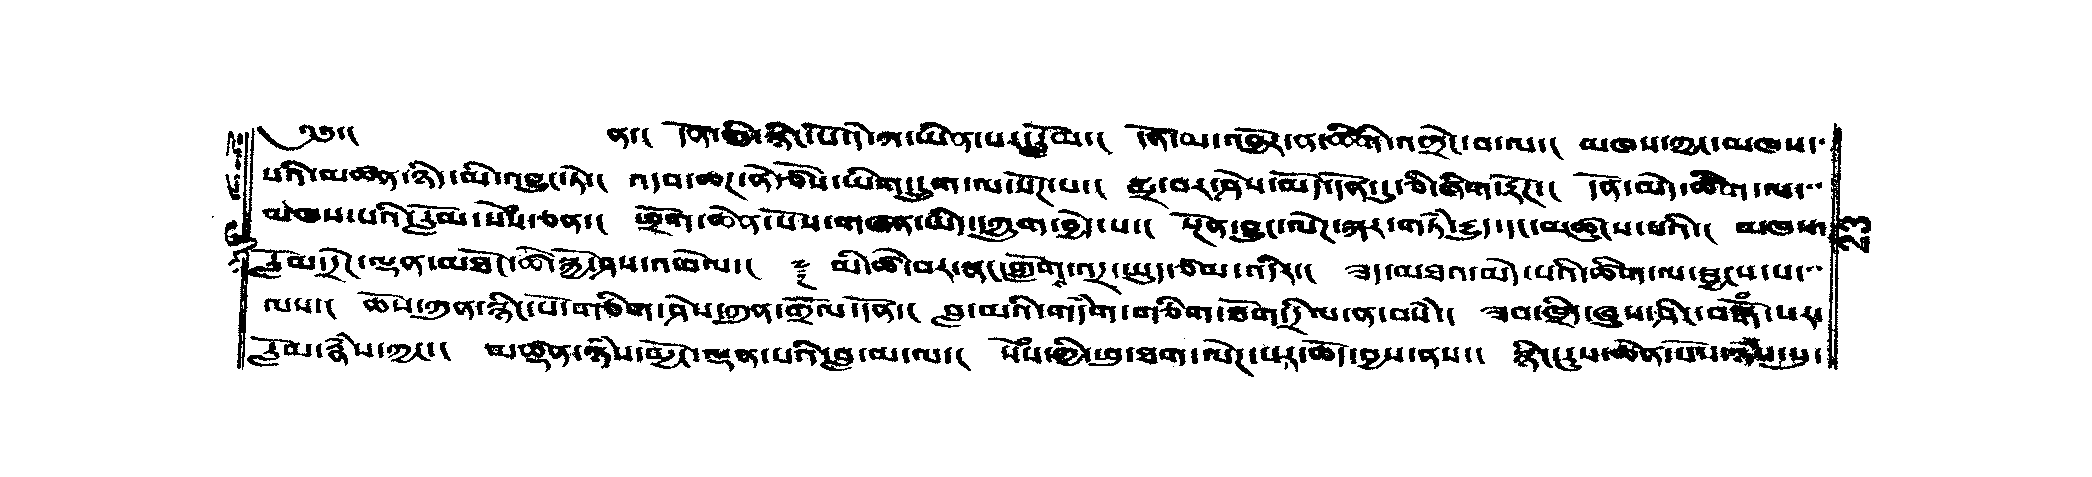ན། །དོན་གྱི་སྙིང་པོ་དེ་ཀ་ཡིན་པར་རློམ། །དོན་མ་འབྱོར་ན་ཚིག་གི་འཕྲེང་བ་ལ། །མཁས་ཀྱང་མཁས་
པའི་མཚན་ཉིད་མི་འབྱུང་ཏེ། །འདབ་ཆགས་ནེ་ཙོས་ཡིག་དྲུག་ལ་སོགས་པ། །སྨྲ་བར་ཤེས་མོད་དོན་དུ་ཅི་ཞིག་རྟོགས། །དོན་མེད་ཚིག་ལ་
མཁས་པའི་རློམ་སེམས་ཅན། །ཕྲག་དོག་ཆེན་པོས་གཞན་ཡིད་དཀྲུགས་བྱེད་པ། །སྔོན་བྱུང་ལེགས་སྐར་གཏམ་རྒྱུད་དང་མཚུངས་པའི། །མཁས་
རློམ་དྲེགས་ལྡན་མཐོང་ཚེ་སྐྱོ་ཤས་འཕེལ། ༄༅། མི་ཚེ་བར་སྣང་གློག་འདྲ་ཡུད་ཙམ་འདིར། །ཟད་མཐའ་མེད་པའི་ཚིག་ལ་སྦྱངས་པ་
ལས། །ཆོས་ཀུན་སྙིང་པོ་གཅིག་ཤེས་ཀུན་གྲོལ་དོན། །བླ་མའི་གདམས་ངག་གཅིག་ཐོག་དྲིལ་ན་བསམ། །ཟབ་ཁྲིད་ཞུས་ཤིང་བསྒོམ་པར་
རློམ་རྣམས་ཀྱང་། །མཚན་ལྡན་ཉམས་མྱོང་ལྡན་པའི་བླ་མ་ལ། །སེམས་ཀྱིས་ཕུ་ཐག་ལེགས་པར་ཆོད་བྱས་ནས། །སྙིང་རུས་ཆེན་པོས་ཉམས་སུ་